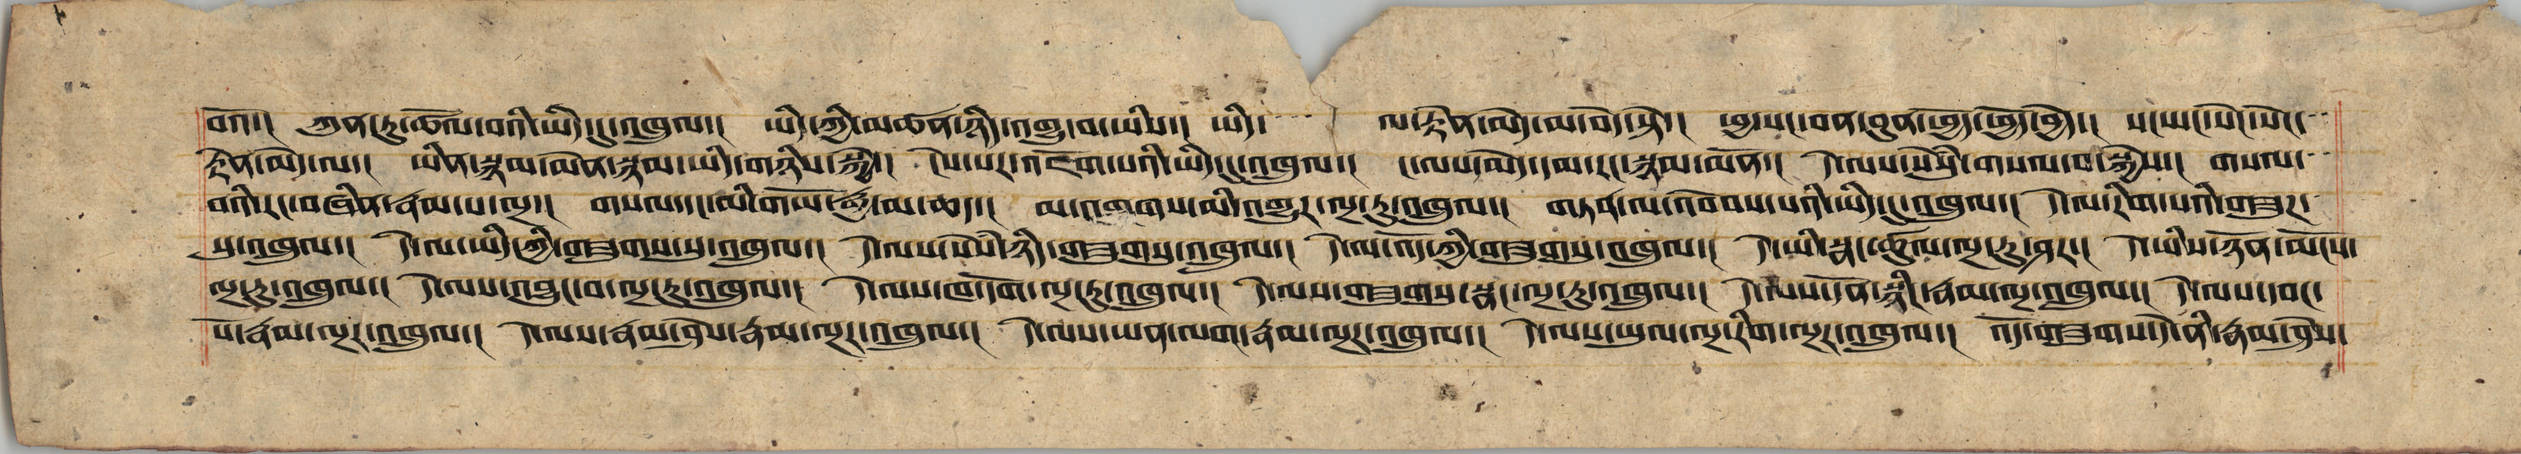བའོ་། ཀུན་ཏུ་ཚོལ་བའི་ཡིད་དུ་འཁྲུལ་། ཡིད་ཀྱི་མཚན་ཉིད་འགྱུ་བ་ཡིས་། ཡིད་ ལ་རྟེན་མེད་མ་བདེ་སྟེ་། ཕྱ་སང་བན་བུན་ཕྱོད་ཕྱོད་བྱེད་། སང་སང་སེང་སངེ་
རྟེན་མེད་ལ་། ཡིན་སྙམམེན་སྙམ་ཡིད་གཉིས་སྐྱེ་། ངེས་པར་འཇོག་པའི་ཡིད་དུ་འཁྲུལ་། ང་ལས་མེད་དམ་རང་སྙམ་མོན་། དེ་ལས་སེསུཾ་གསལ་བ་སྐྱེས་། གསལ་
བའི་རང་བཞིན་རྣམ་པ་ལྔ་། གསལ་དང་མི་གཡོ་རྒྱ་མ་ཆད་། མ་འགགས་མི་འགྱུར་ལྔ་རུ་འཁྲུལ་། གཏན་ལ་འབེབས་པའི་ཡིད་དུ་འཁྲུལ་། དེ་ལ་རིག་པའི་གཟུཌ་
སུ་འཁྲུལ་། དེ་ལ་ཡིད་ཀྱི་གཟུགས་སུ་འཁྲུལ་། དེ་ལས་སེསཾ་ཉིད་གཟུགསུ་འཁྲུལ་། དེ་ལ་འོད་ཀྱི་གཟུགསུ་འཁྲུལ་། དེ་ཡི་སྣང་ཚུལ་ལྔ་རུ་ཤར་། དེ་ཡིས་ཉོན་མོངས་
ལྔ་རུ་འཁྲུལ་། དེ་ལས་འབྱུང་བ་ལྔ་རུ་འཁྲུལ་། དེ་ལས་ཁ་དོག་ལྔ་རུ་འཁྲུལ་། དེ་ལས་གཟུགས་སྣང་ལྔ་རུ་འཁྲུལ་། དེ་ལས་དོན་སྙིང་རྣམ་ལྔ་འཁྲུལ་། དེ་ལས་དབང་
པོ་རྣམ་ལྔར་འཁྲུལ་། དེ་ལས་རྣམ་ཤེས་རྣམ་ལྔར་འཁྲུལ་། དེ་ལས་ཡན་ལག་རྣམ་ལྔར་འཁྲུལ་། དེ་ལས་ཡུལ་ལྔ་རིག་ལྔར་འཁྲུལ་། འོད་གཟུགས་དེ་ནི་རྣམ་ཤེས་